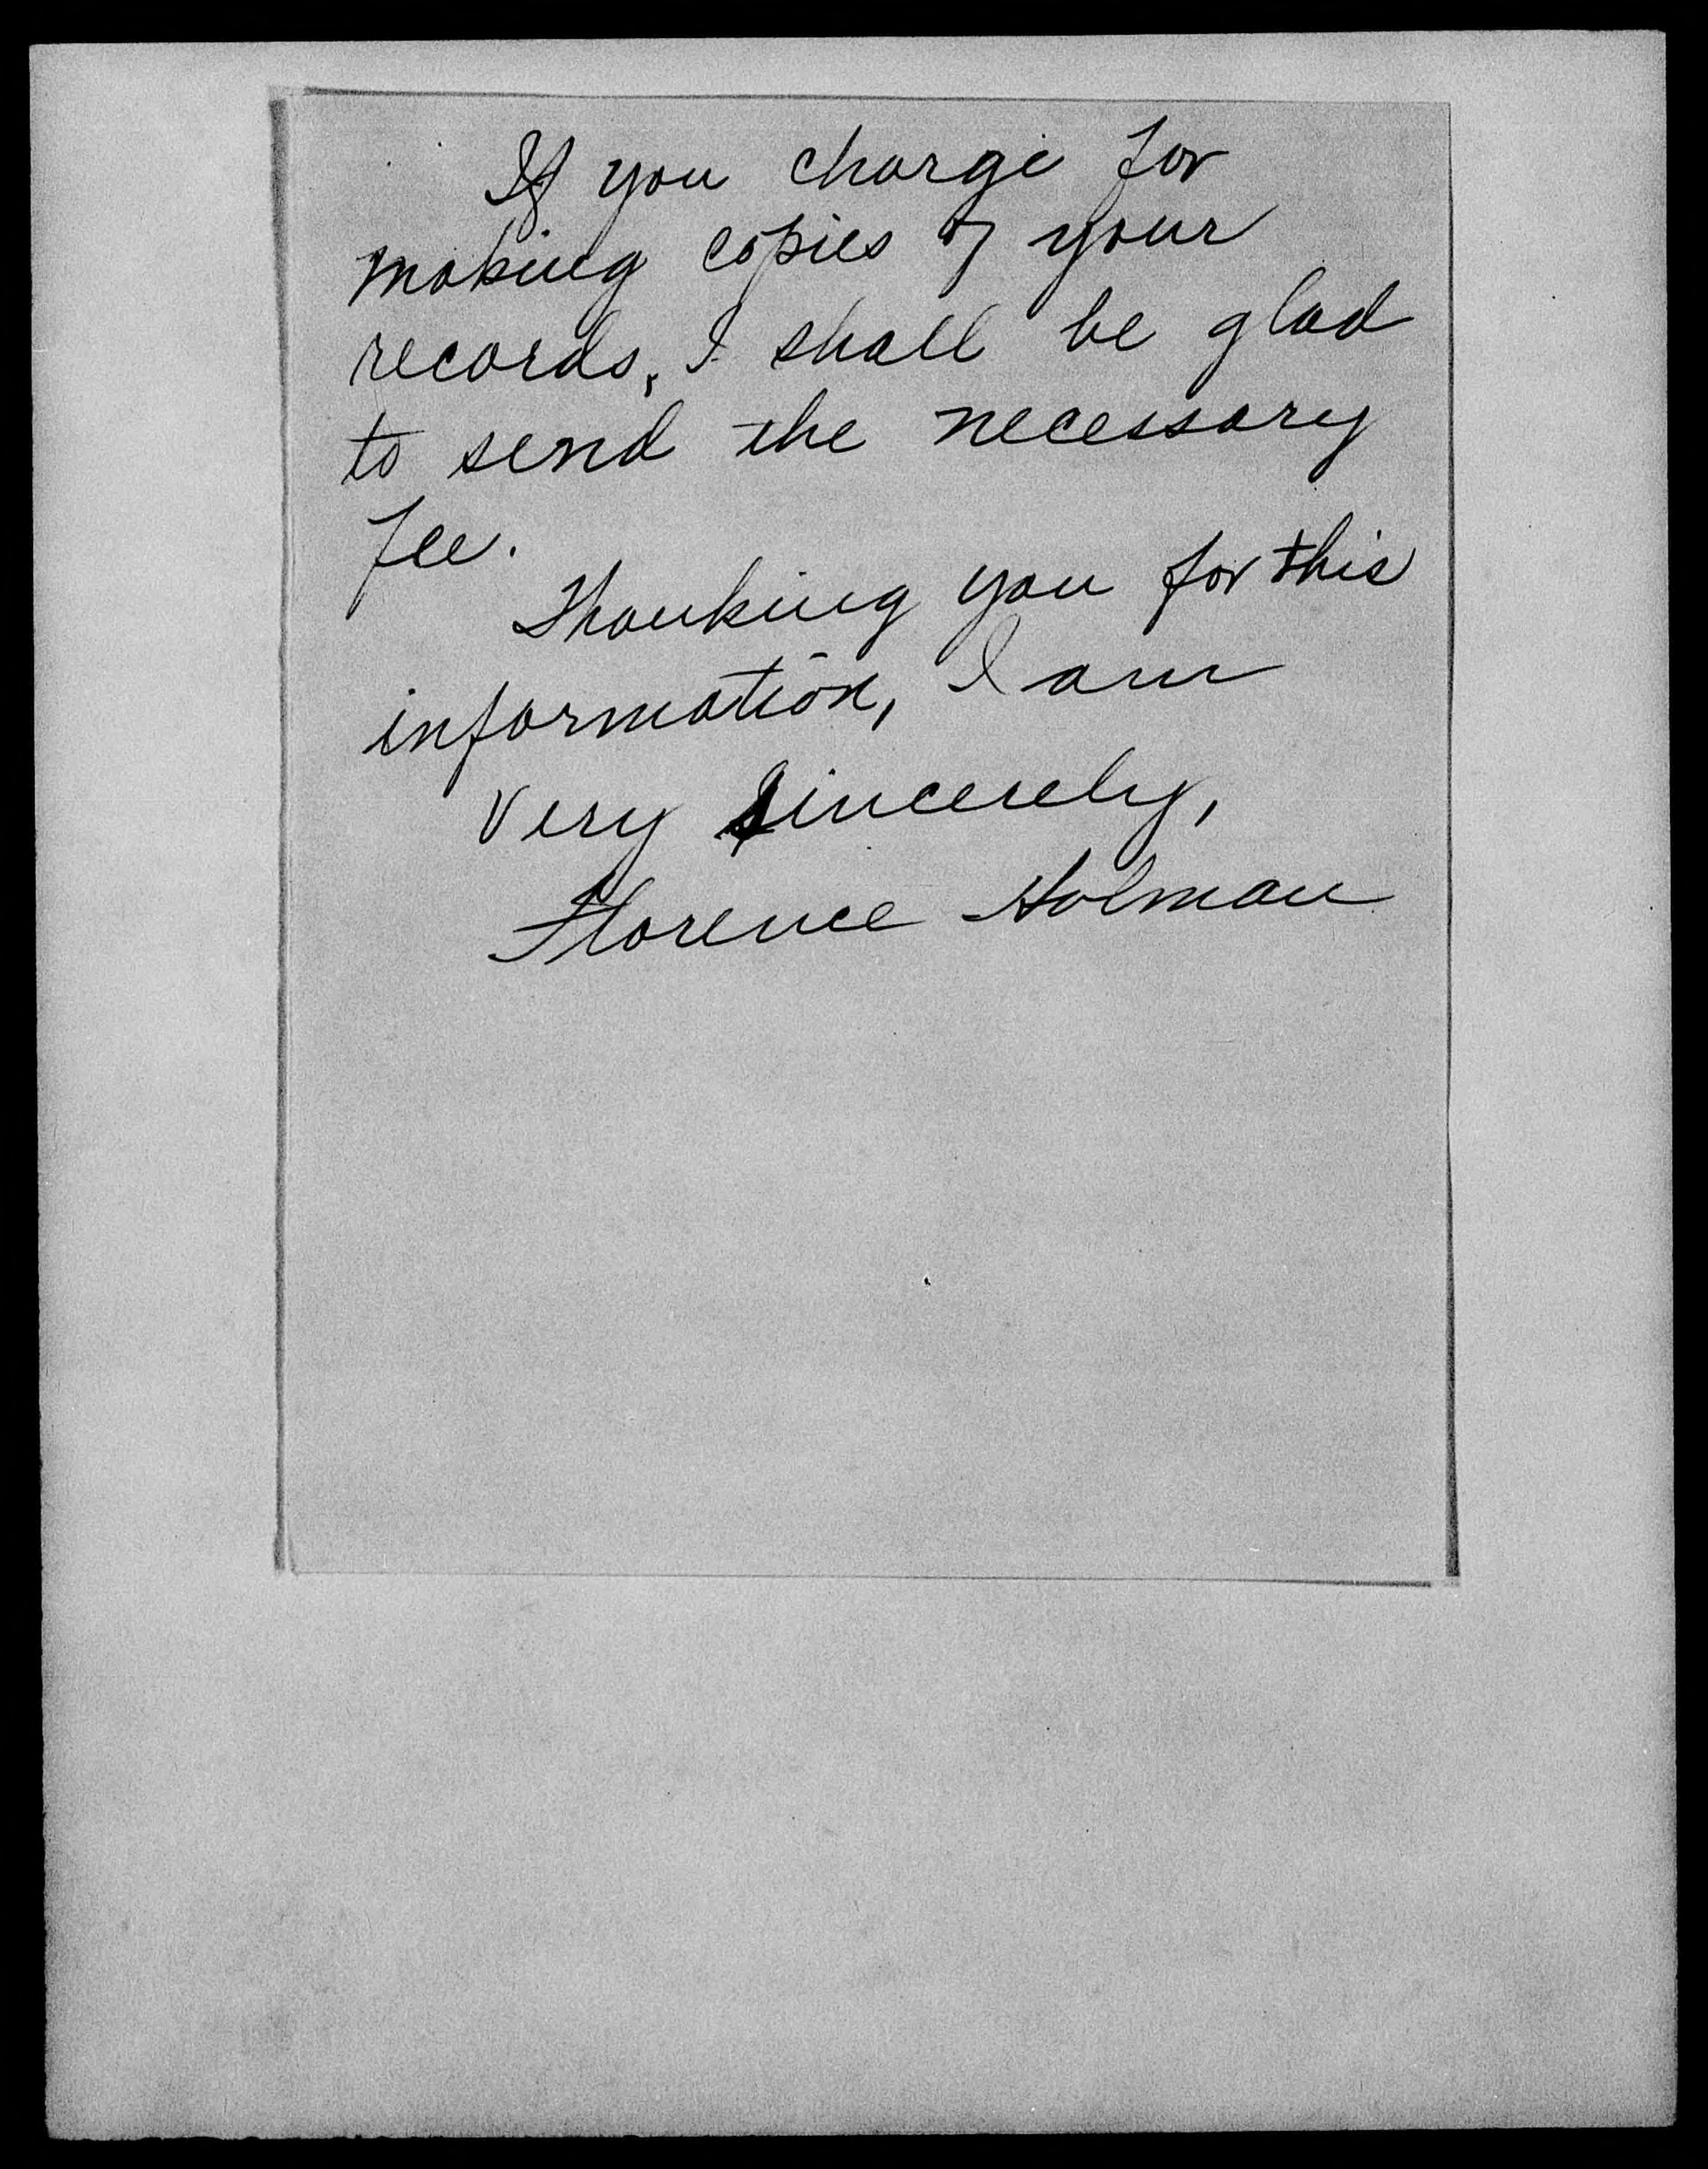If you charge for making copies of your record, I shall be glad 
to send the necessary fee.
Thanking you for this information, I am 
Very sincerely,
Florence Holman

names: Florence Holman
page: 20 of 30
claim: survivor's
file: S. 31753, John Holman, Va.